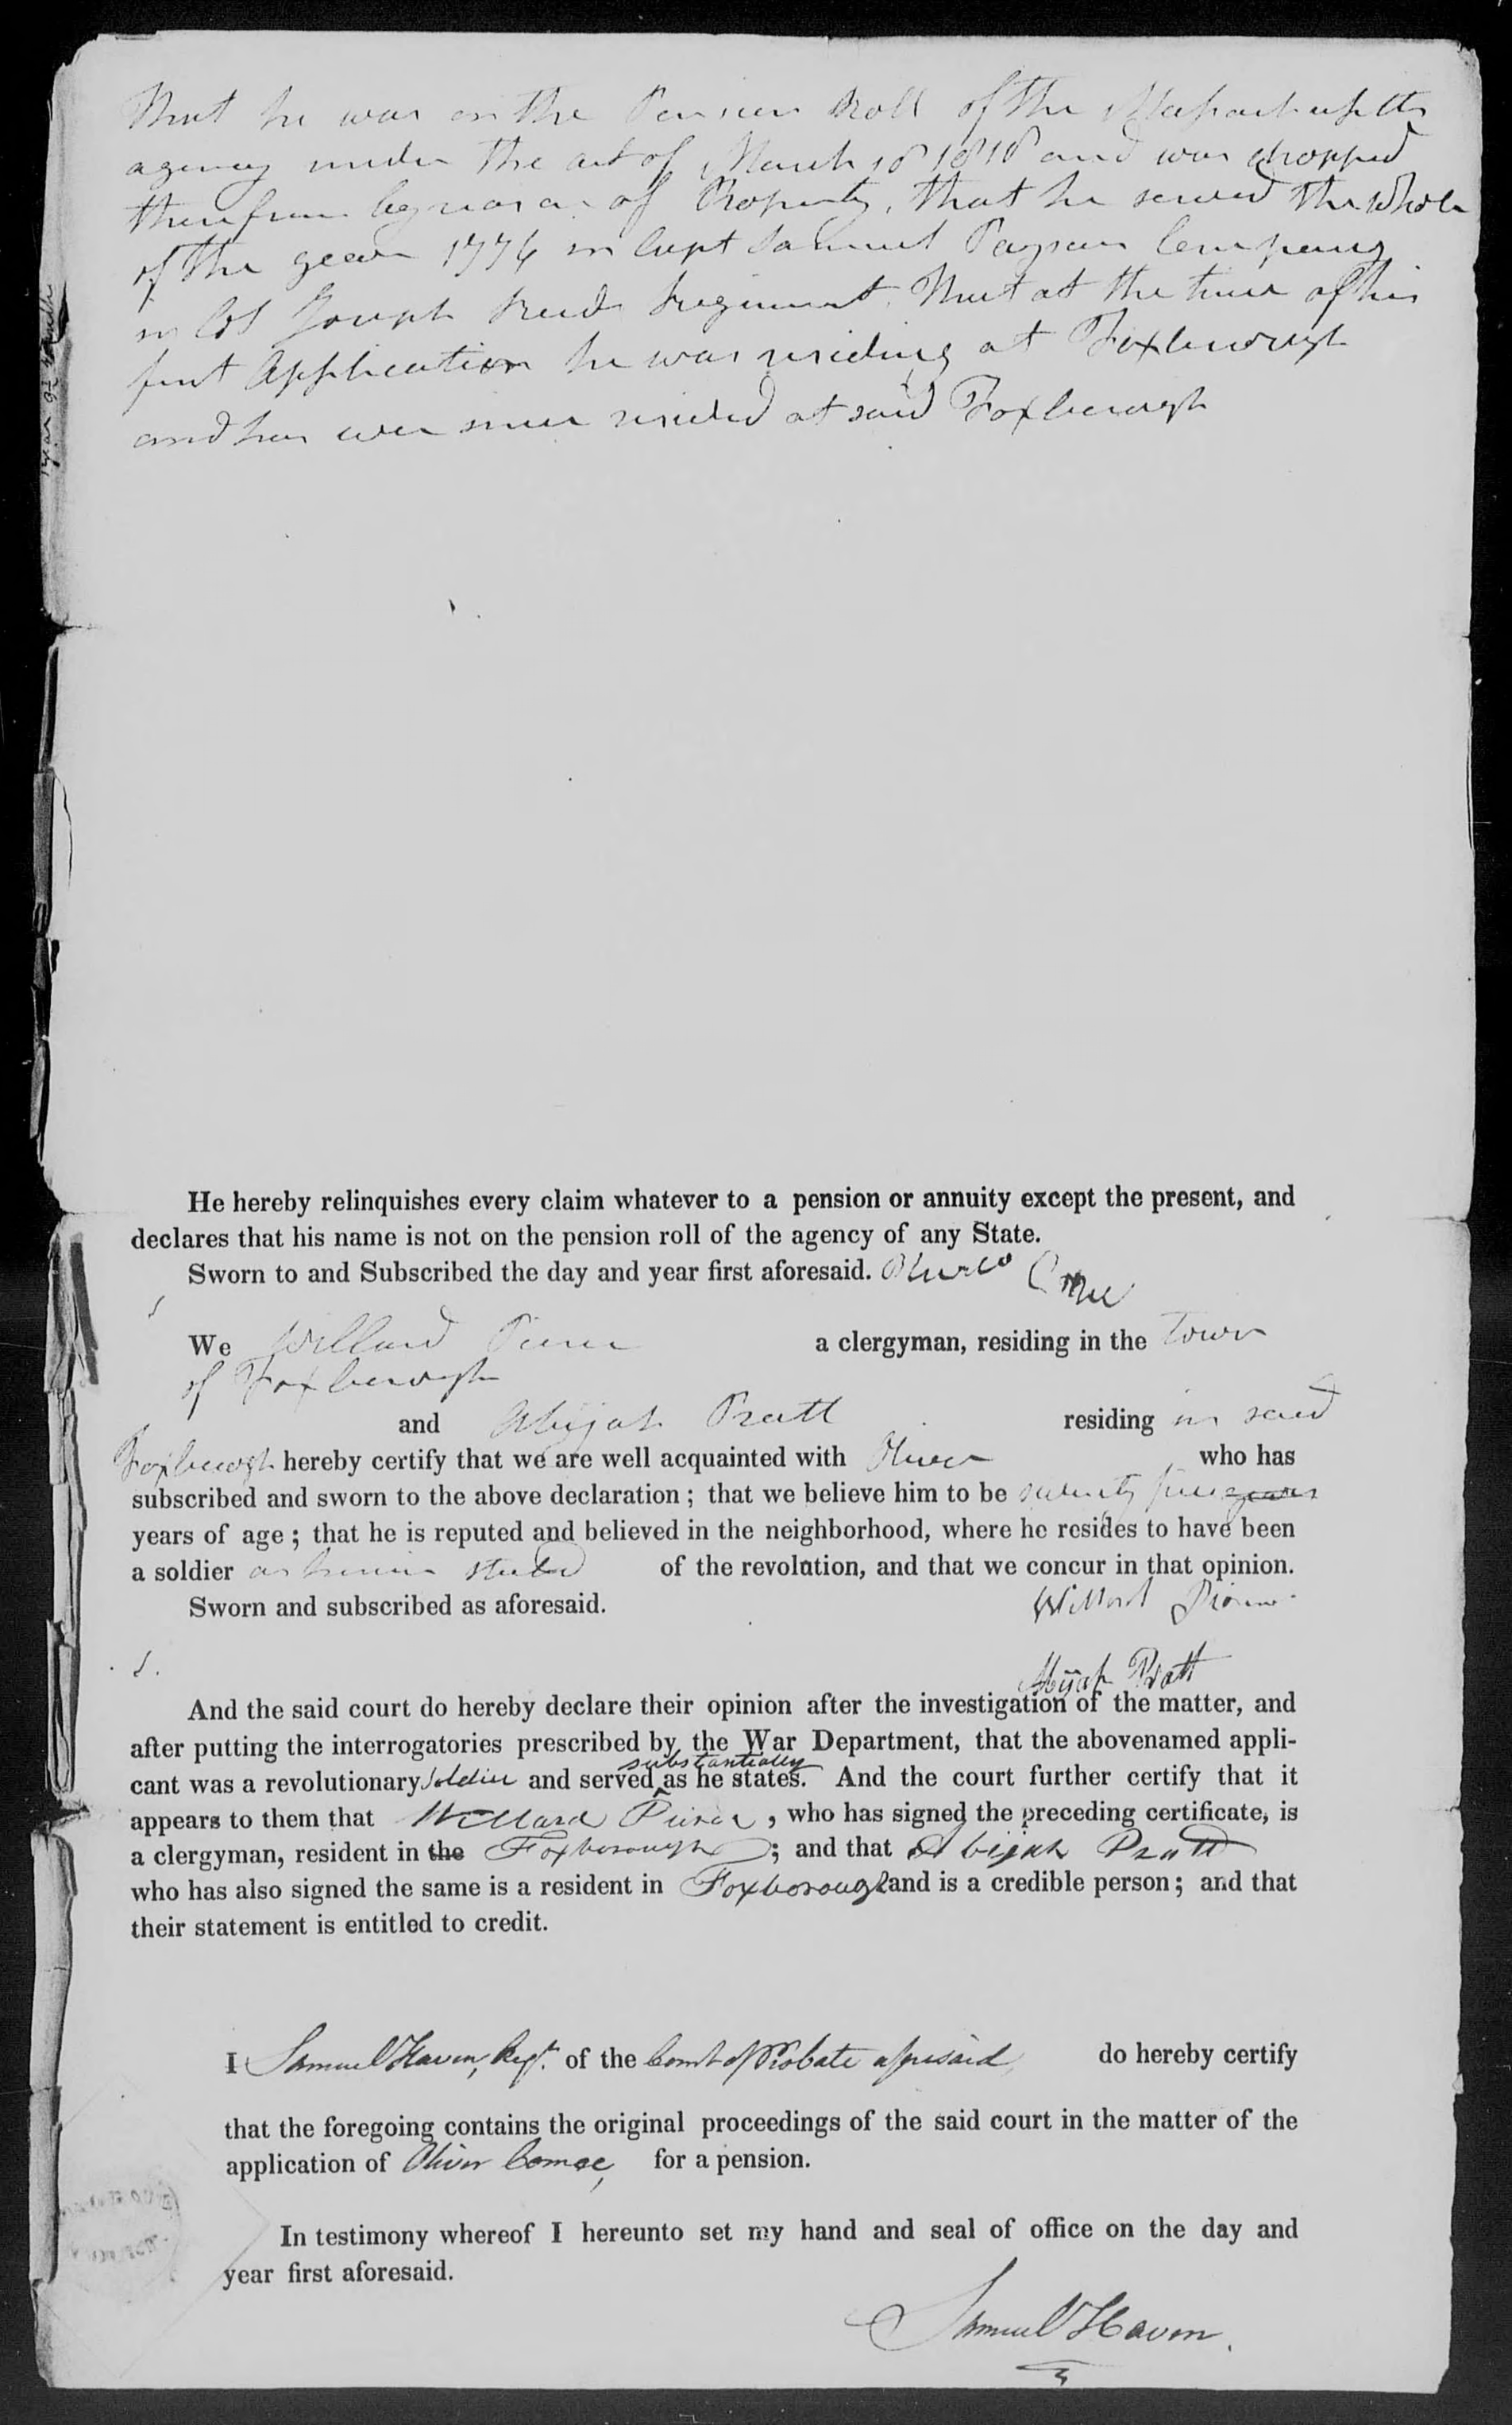that he was on the Pension roll of the aforementioned agency under the act of March 1818 and was dropped therefrom by reason of Property, that he served the whole of the year 1776 in Capt Samuel Payson Company to Joseph Reed Regiment. That at the time of his first application he was residing at Foxbrough and has ever since resided at said Foxbrough He hereby relinquishes every claim whatever to a pension or annuity except the present, and declares that his name is not on the pension roll of the agency of any State. Sworn to and subscribed the day and year first aforesaid. We Willard Pine of Foxbrough a clergyman, residing in the town and Abijah Pratt be hereby certify that we are well acquainted with the residing in said --- who has subscribed and sworn to the above declaration; that we believe him to be twenty five years of age; that he is reputed and believed in the neighborhood, where he resides to have been a soldier as herein be of the revolution, and that we concur in that opinion. Sworn and subscribed as aforesaid. Willet Pine And the said Court do hereby declare their opinion after the investigation of the matter, and after putting the interrogatories prescribed by the War Department, that the abovenamed applicant was a revolutionary soldier and served as he states. And the court further certify that it appears to them that Willard Pierce, who has signed the preceding certificate, is a clergyman, resident in the Foxborough; and that Abijah Pratt who has also signed the same is a resident in Foxborougland is a credible person; and that their statement is entitled to credit. 1 Samuel Haven, Reg of the Court of Probate aforesaid, do hereby certify that the foregoing contains the original proceedings of the said court in the matter of the application of Oliver Comee for a pension. In testimony whereof I hereunto set my hand and seal of office on the day and year first aforesaid. Samuel Haven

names: Samuel Haven, Oliver Comee, Willard Pierce, Oliver Comee, Abijah Pratt, Willard Pierce, Abijah Pratt, Samuel Haven, Abijah Pratt, Willard Pierce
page: 6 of 45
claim: widow's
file: W. 14,567, Oliver Comee, Mass.